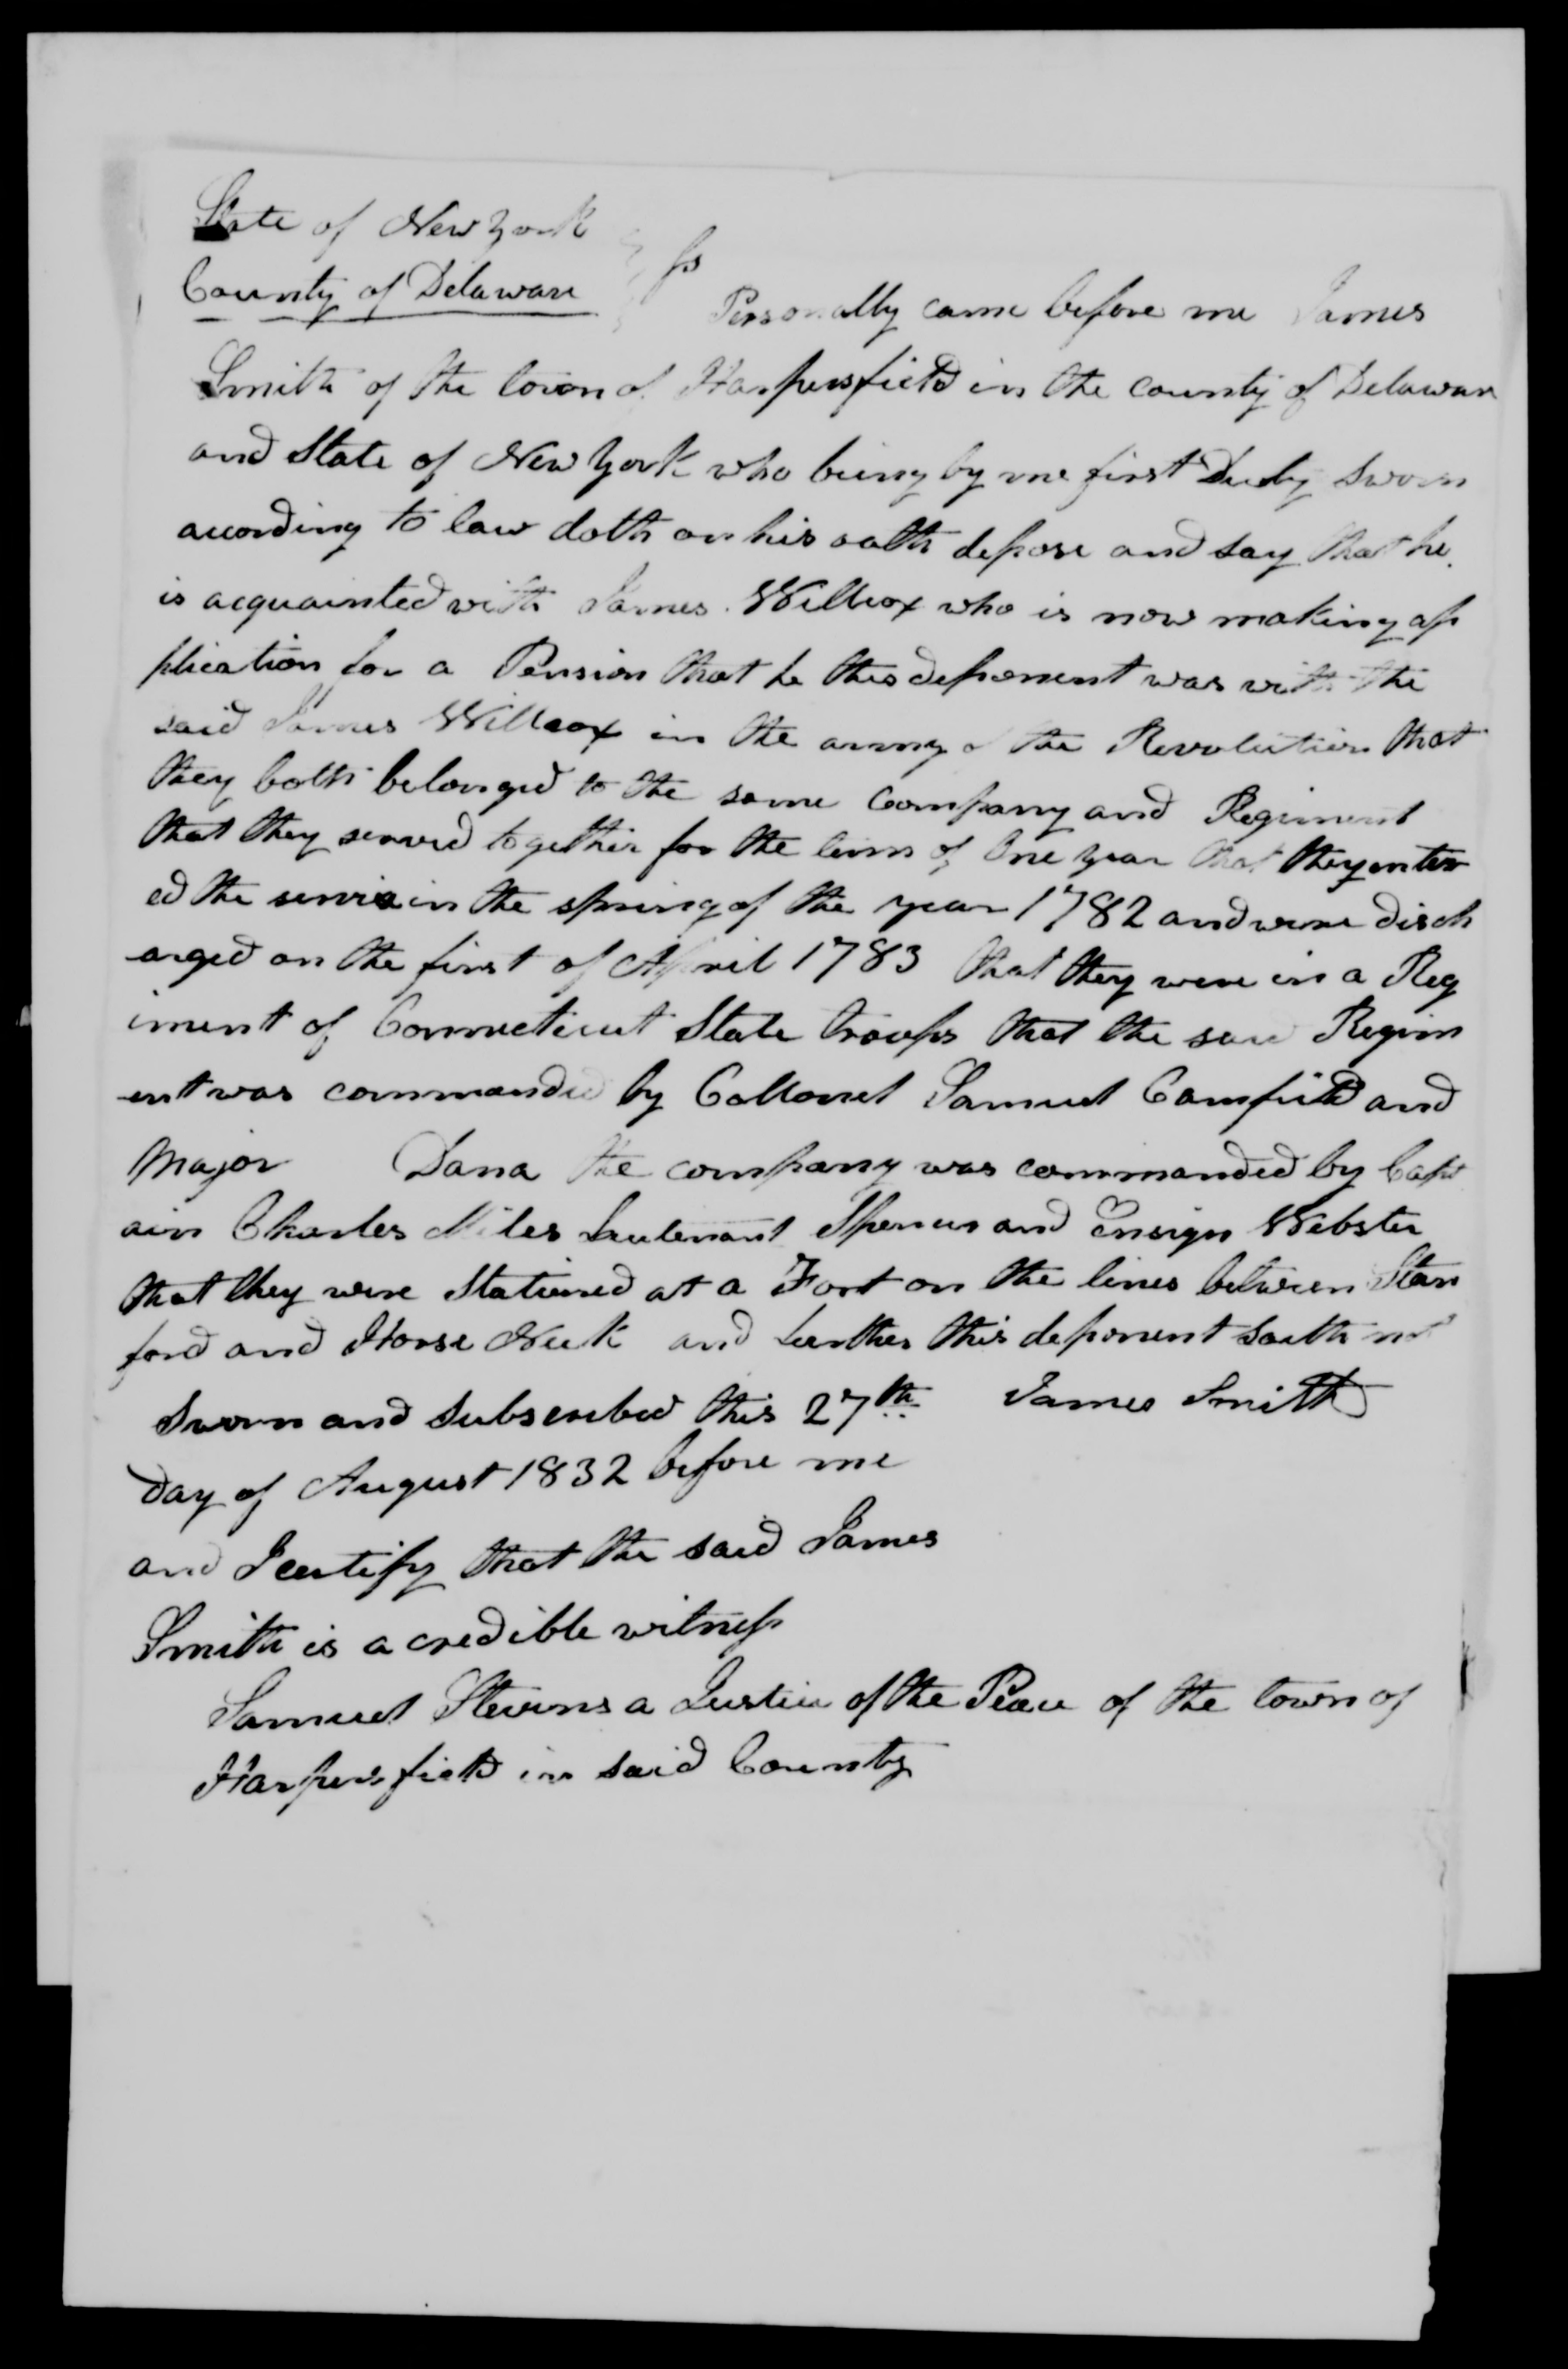State of New York
County of Delaware SS
Personally came before me James Smith of the town of Harpersfield in the County of Delaware and State of New York who being by me first duly sworn according to law doth on his oath depose and say that he is acquainted with James Willcox who is now making application for a Pension that he this deponent was with the said James Willcox in the army  & the Revolution that they both belonged to the same Company and Regiment that they served together for the term of one year that they entered the service in the spring of the year 1782 and was discharged on the first of April 1783 that they were in a Regiment of Connecticut State troops that the same Regiment was commanded by Collonel Samuel Camfield and Major Dana the company was commanded by Captain Charles Miles Leutenant Spencer and Ensign Webster that they were stationed at a Fort on the lines between Stamford and Horse Neck and further this deponent saith not
James Smith
Sworn and subscribed this 27th Day of August 1832 before me and I certify that the said James Smith is a credible witness
Samuel Stevens a Justice of the Peace of the town of Harpersfield in Said County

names: Spencer, Dana, Charles Miles, James Willcox, Samuel Cansfield, Webster, Samuel Stevens, James Smith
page: 30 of 46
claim: widow's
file: W. 18,417, James Willcox, Conn.